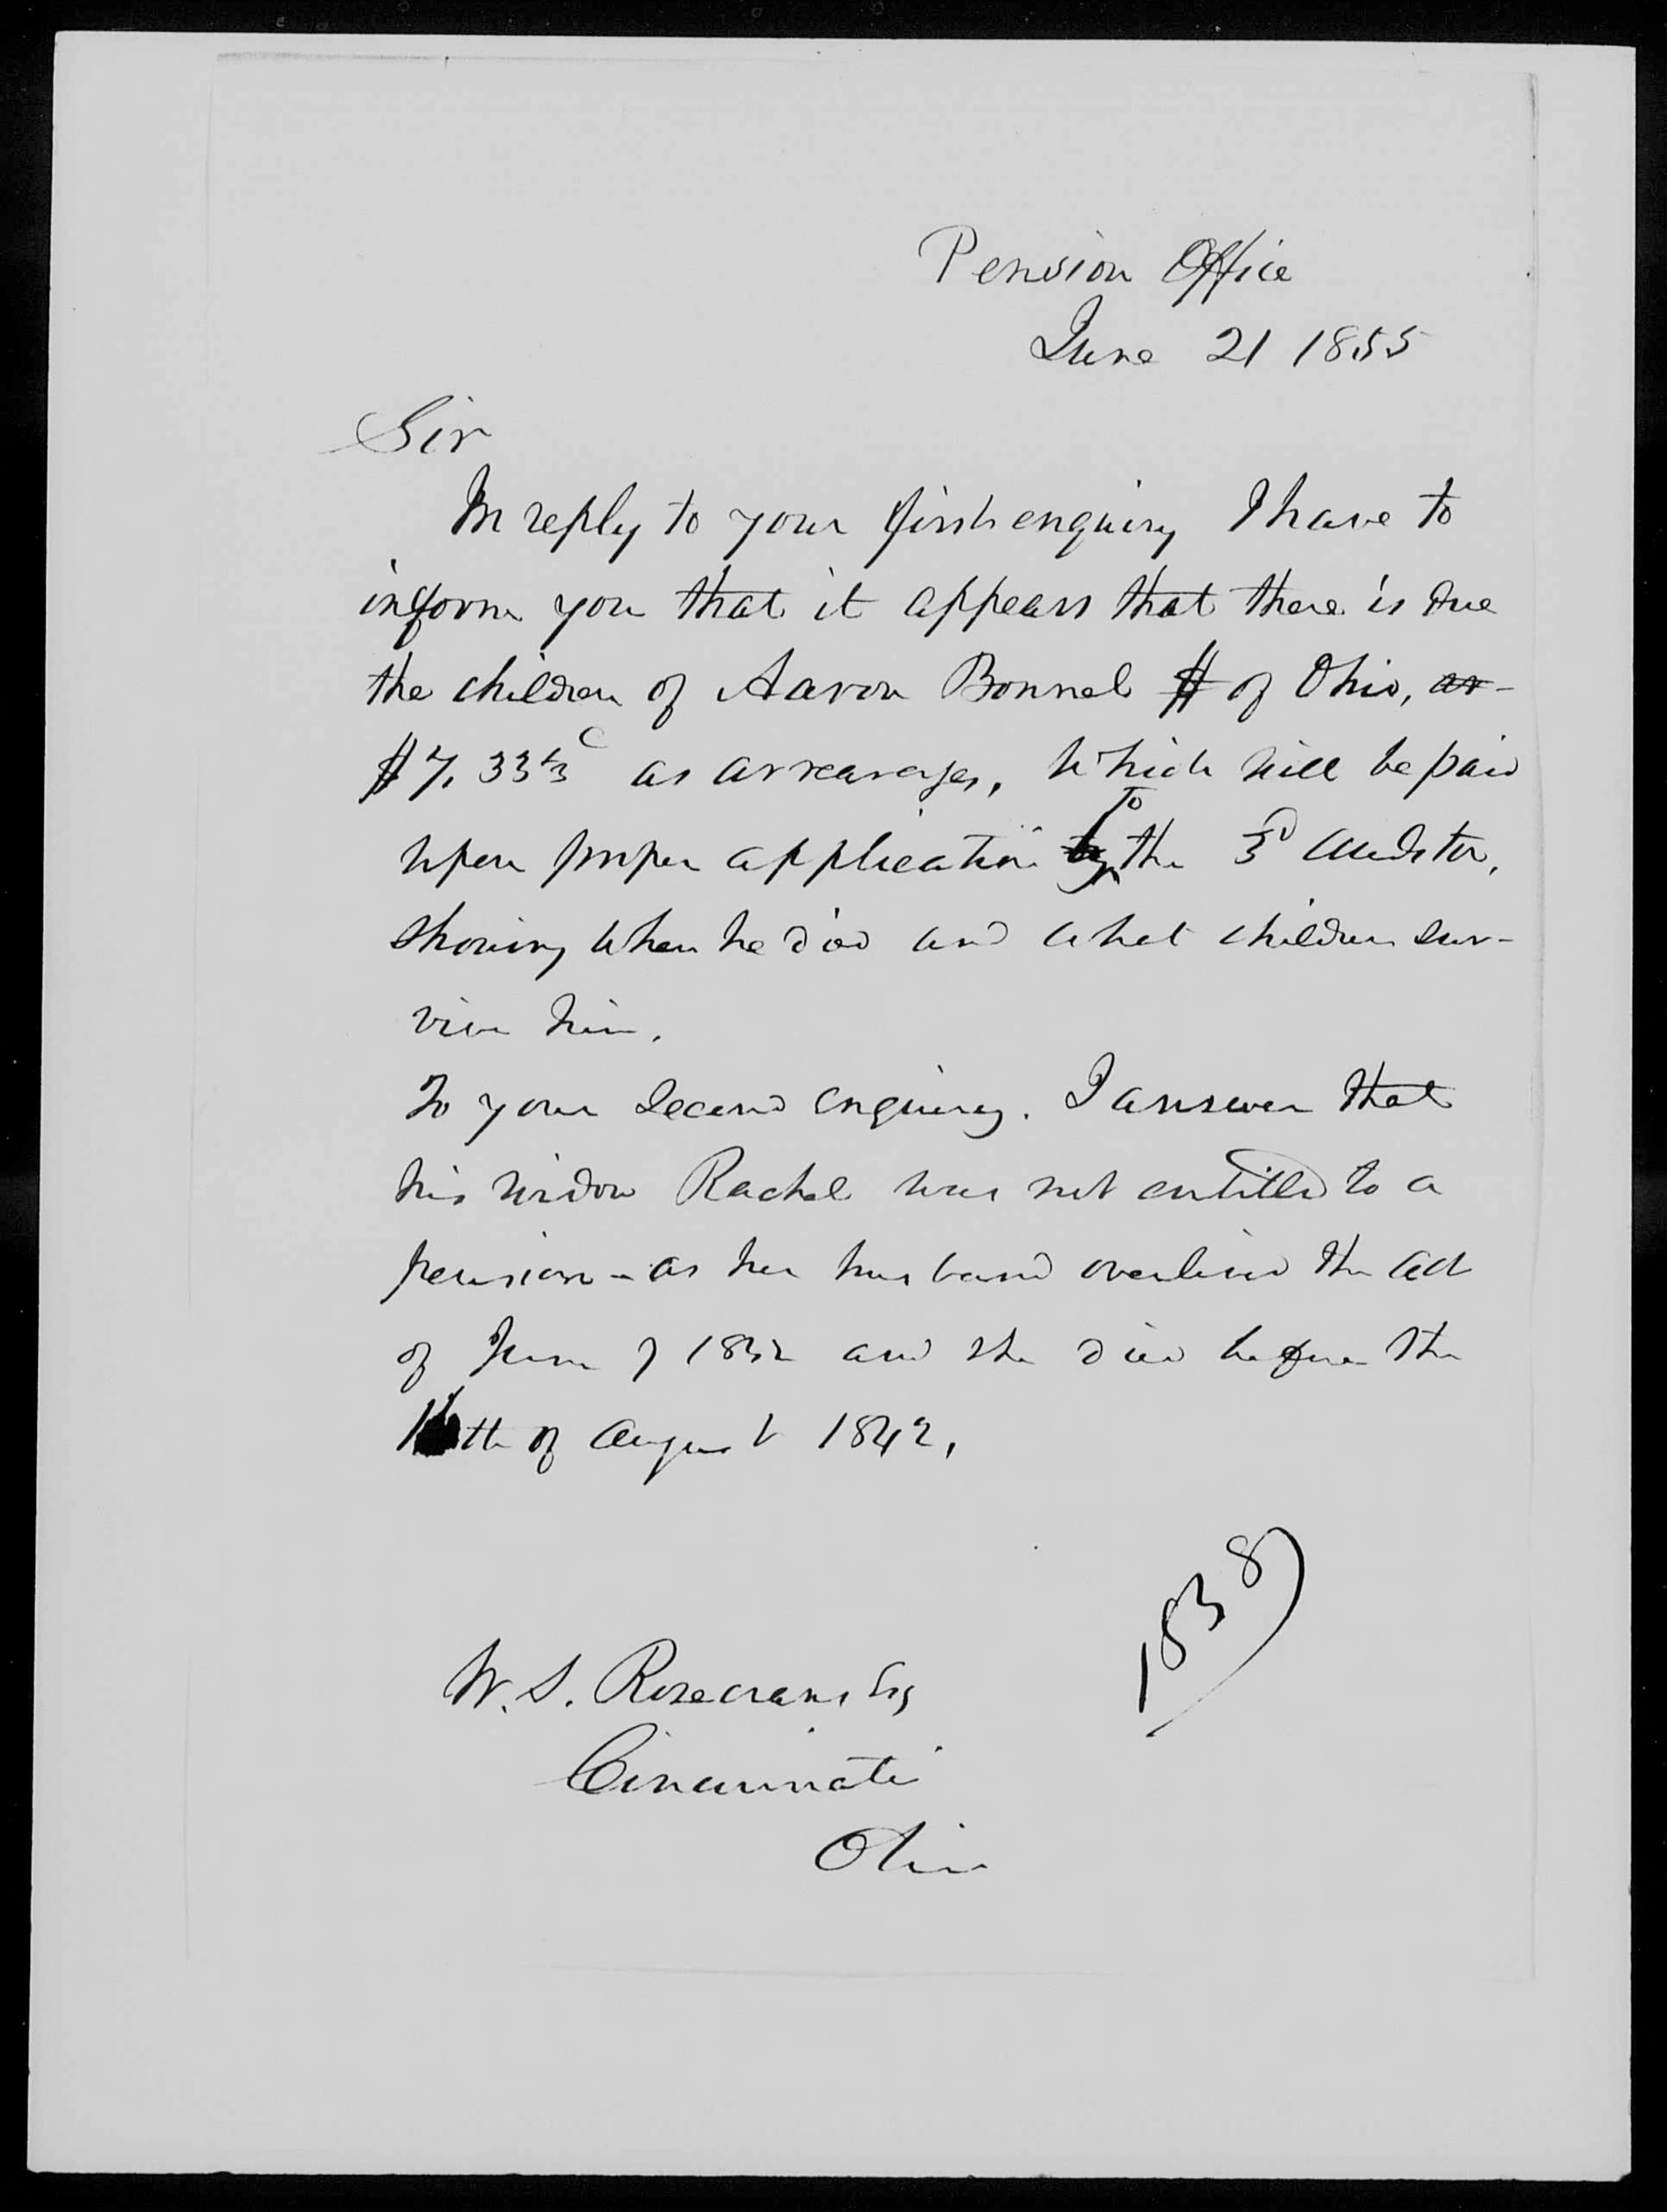Pension Office
June 21 1855
Sir,
In reply to your first enquiry I have to inform you that it appears that there is due the children of Aaron Bonnel $ of Ohio $7.33 1/3c as arrearages which will be paid when proper application to the 3rd Auditor showing when he died and what children survive him.  
To your second enguiry, I answer that his wife Rachel was not entitled to a pension as her husband overlived the Act of June 7, 1832 and she died before the 16th of August 1842.

W. S. Rosecrans
 Cincinnati Ohio
1838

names: Aaron Bonnel, W S Rosecrans, Rachel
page: 32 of 67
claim: rejected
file: R. 1009, Aaron Bonnel, New Jersey